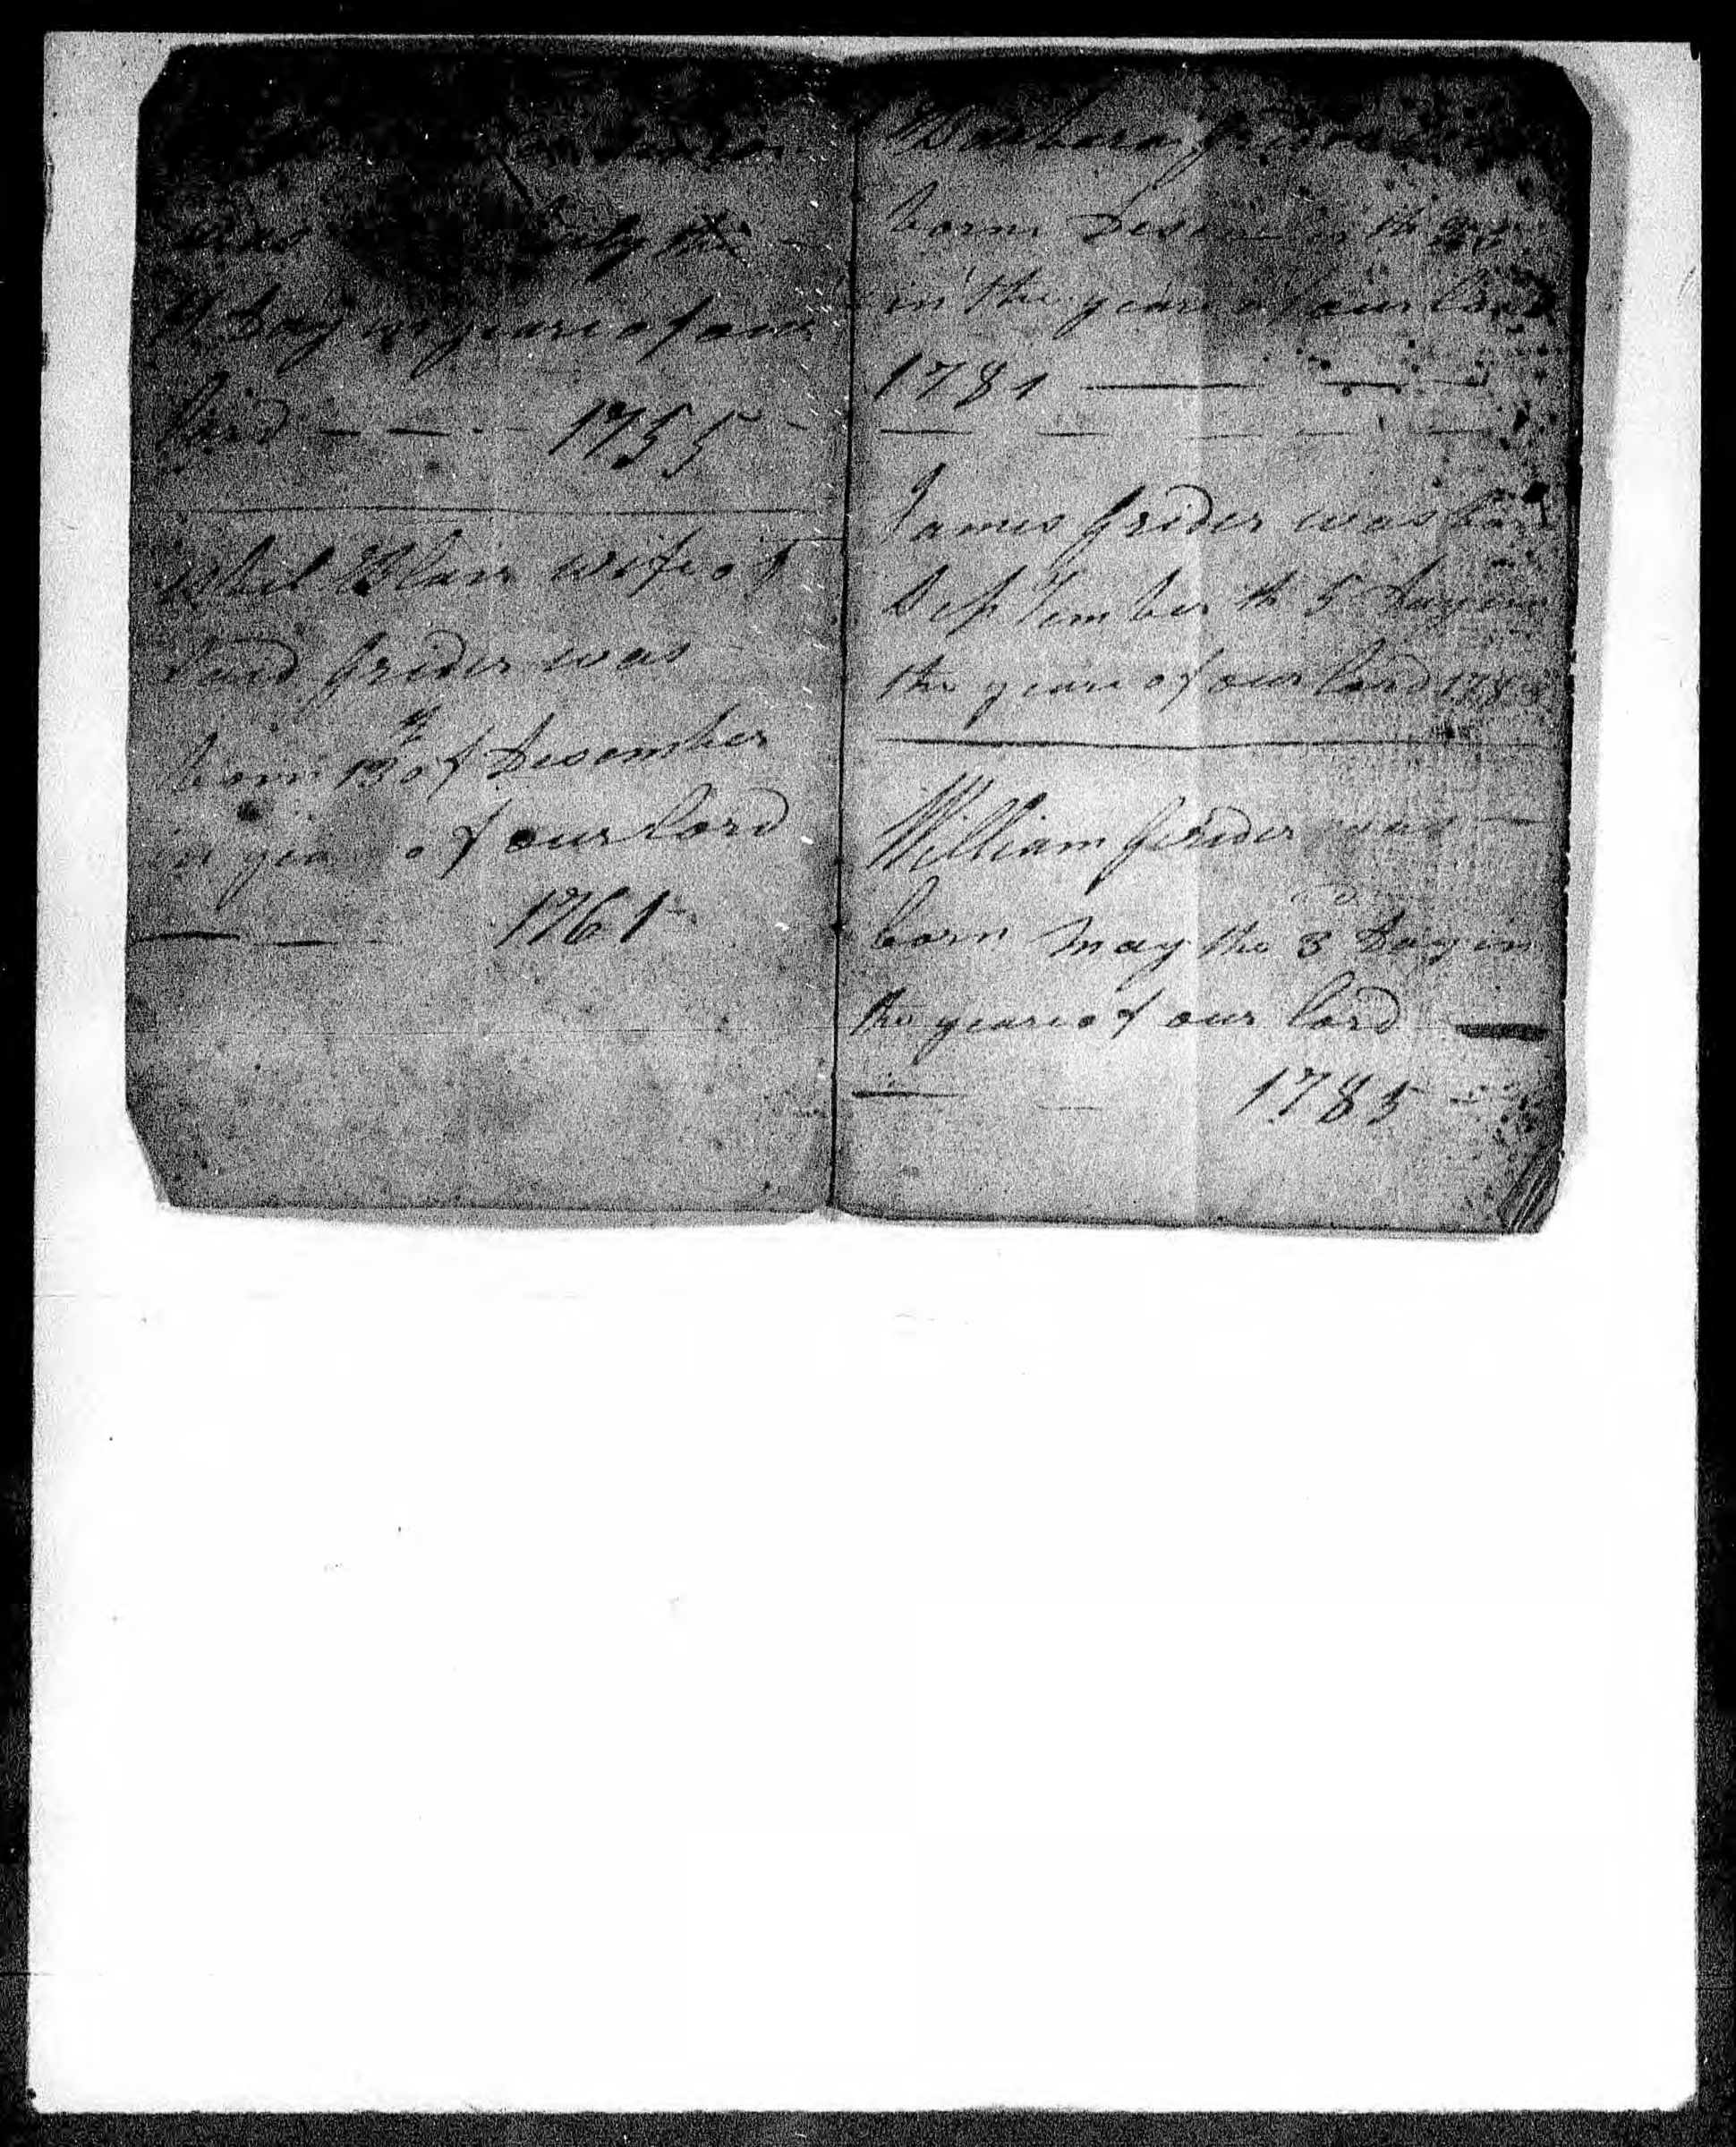[dark copy- illegible first 3 lines on left side of page]
[illegible]  1755

Isbel Blair wife of 
said Grider was
Born 13th of December
in year of our lord
1761

[right side of page, first line too dark - illegible]
born Des [illegible]
in the year of our lord
1781

James Grider was born
September the 5 [illegible]
the year of our lord 1783

William Grider was 
born May the 3rd day in 
the year of our lord
1785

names: William Grider, James Grider, Grider, Barbara Grider, Isbel Blair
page: 25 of 91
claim: widow's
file: W 358, John Grider, N.C.